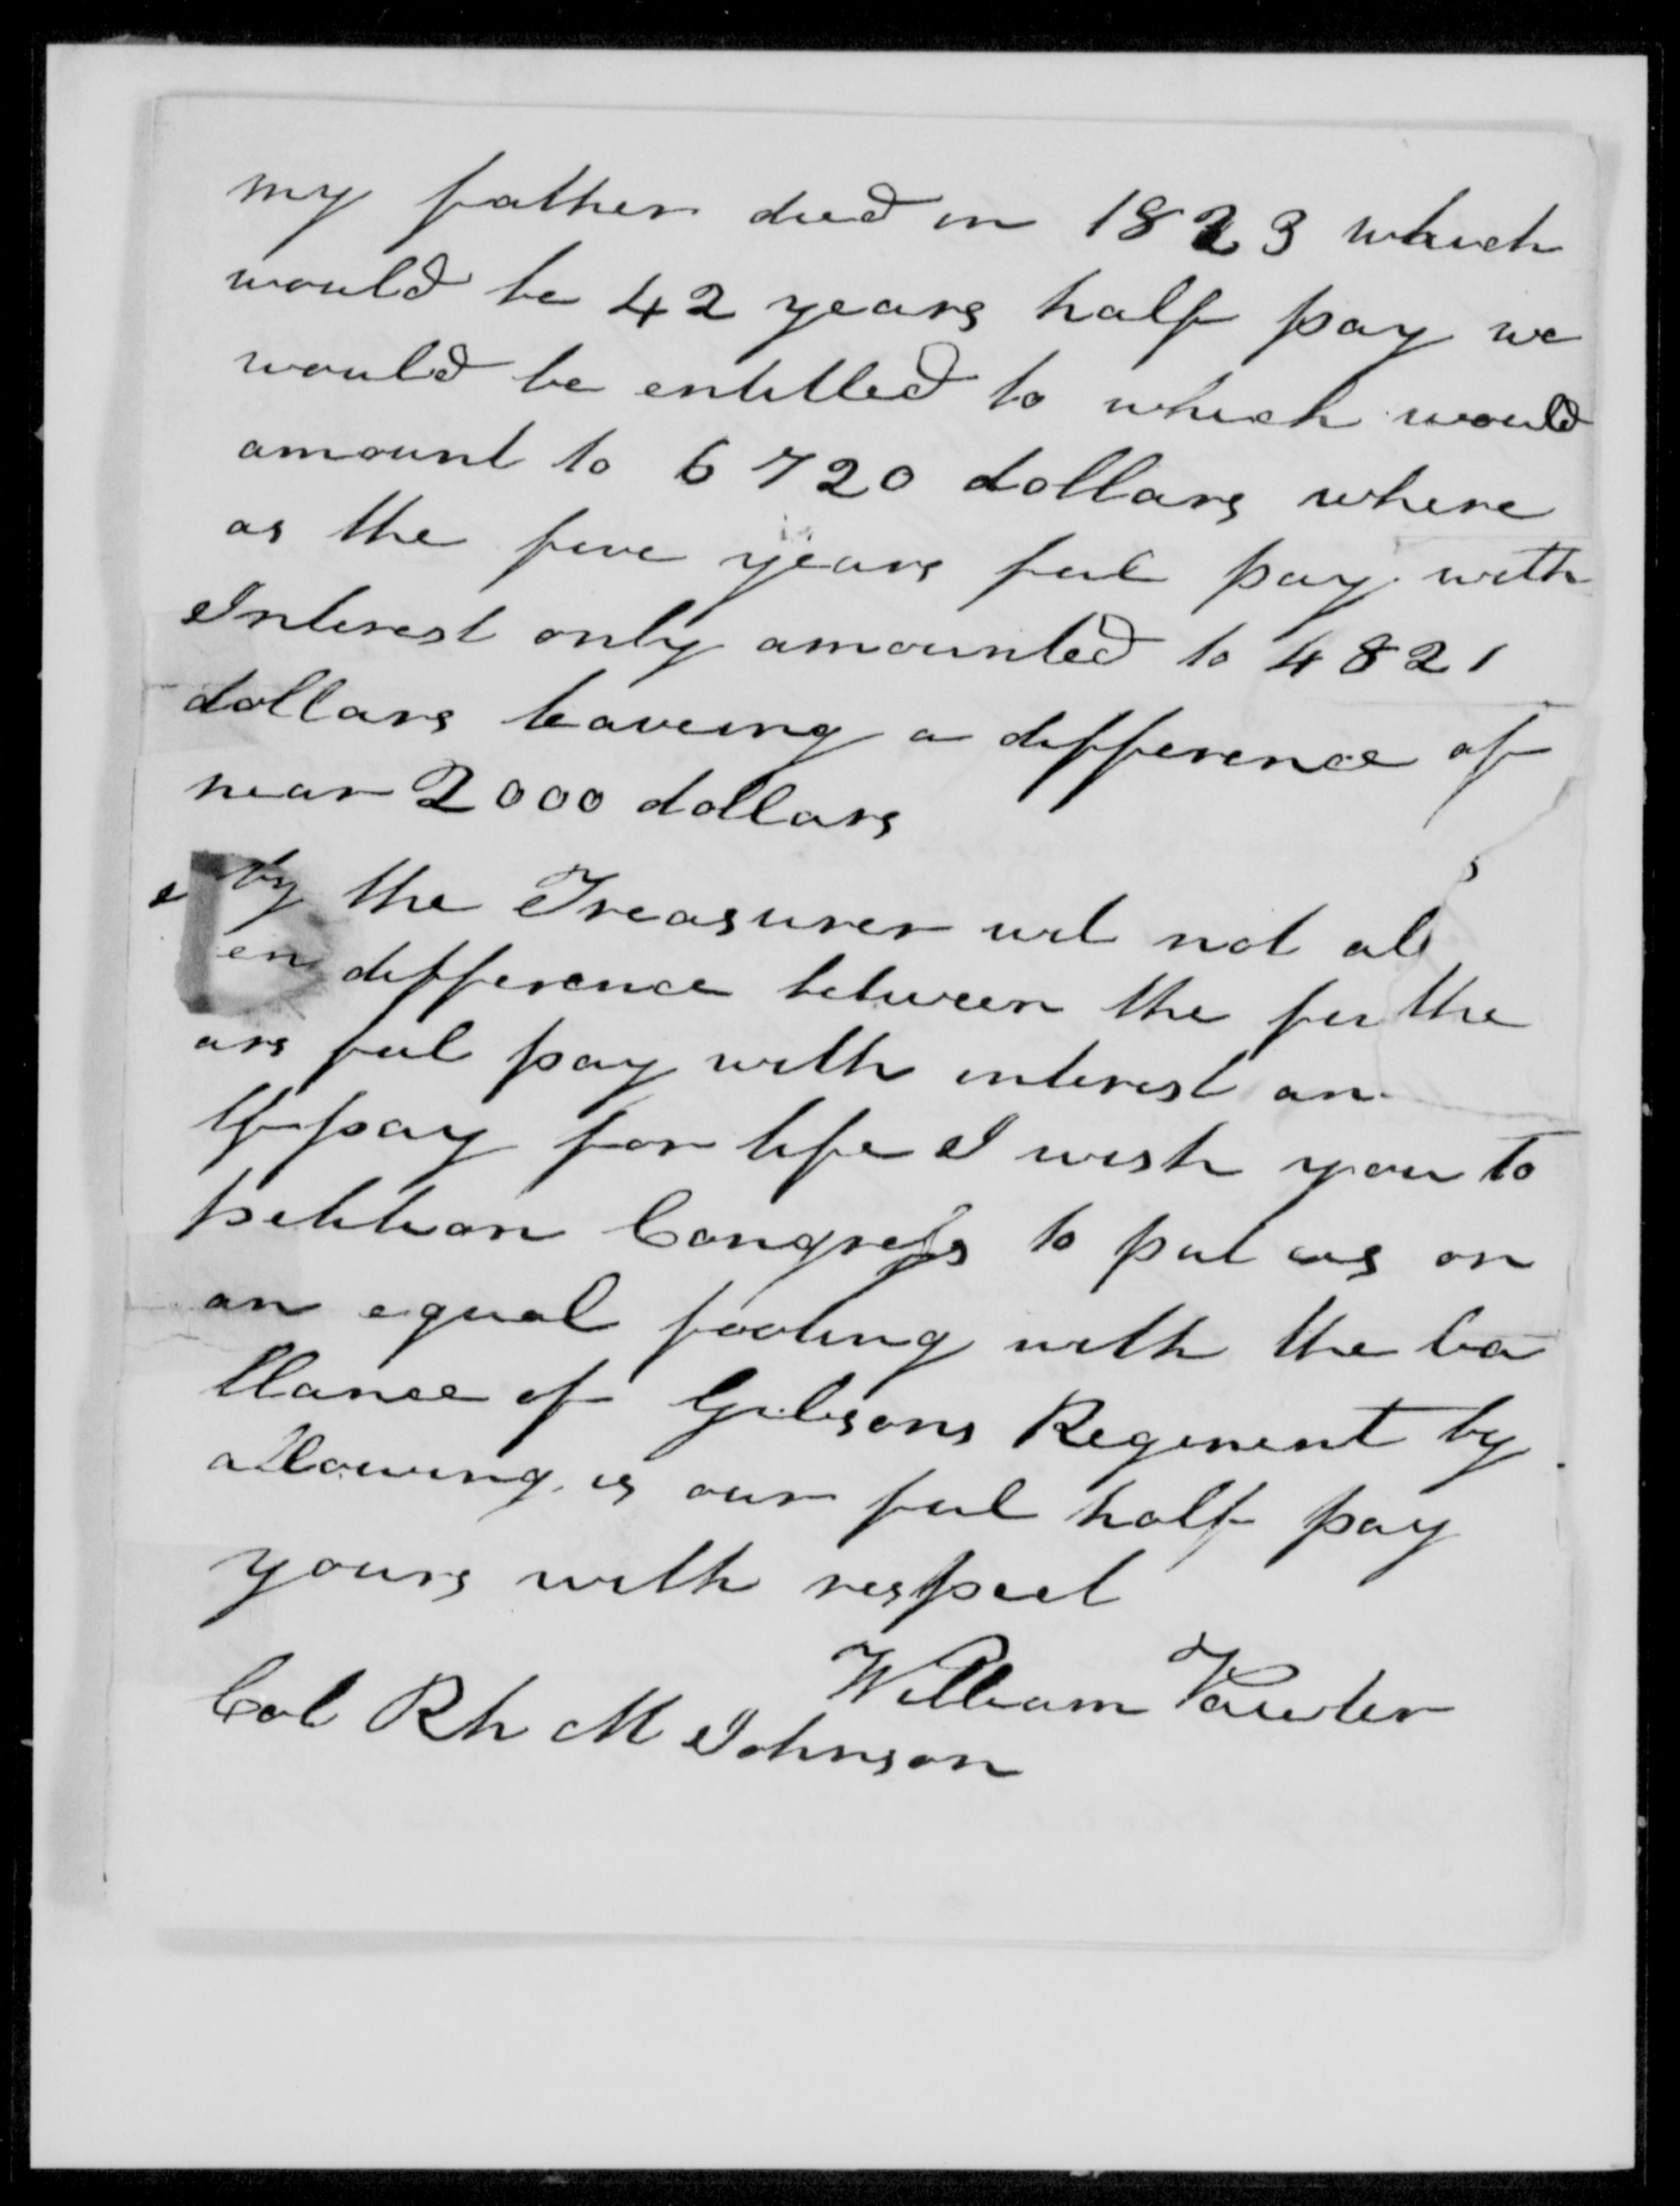my father died in 1823 which
would be 42 years half pay we
would be entitled to which would
amount to 6720 dollars where
as the five years full pay with
Interest only amounted to 4821
dollars leaving a difference of
near 2000 dollars
by the Treasurer wil [will] not all
in difference between the for the[...illegible]
full pay with interest on
half pay for life I wish you to
petition Congress to put us on
an equal footing with the balance 
of Gibsons Regiment by
allowing us our full half pay
yours with respect
William Vawter
Col R M Johnson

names: Rh M Johnson, William Vawter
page: 12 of 51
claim: rejected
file: R. 10,921, William Vawter, Va.